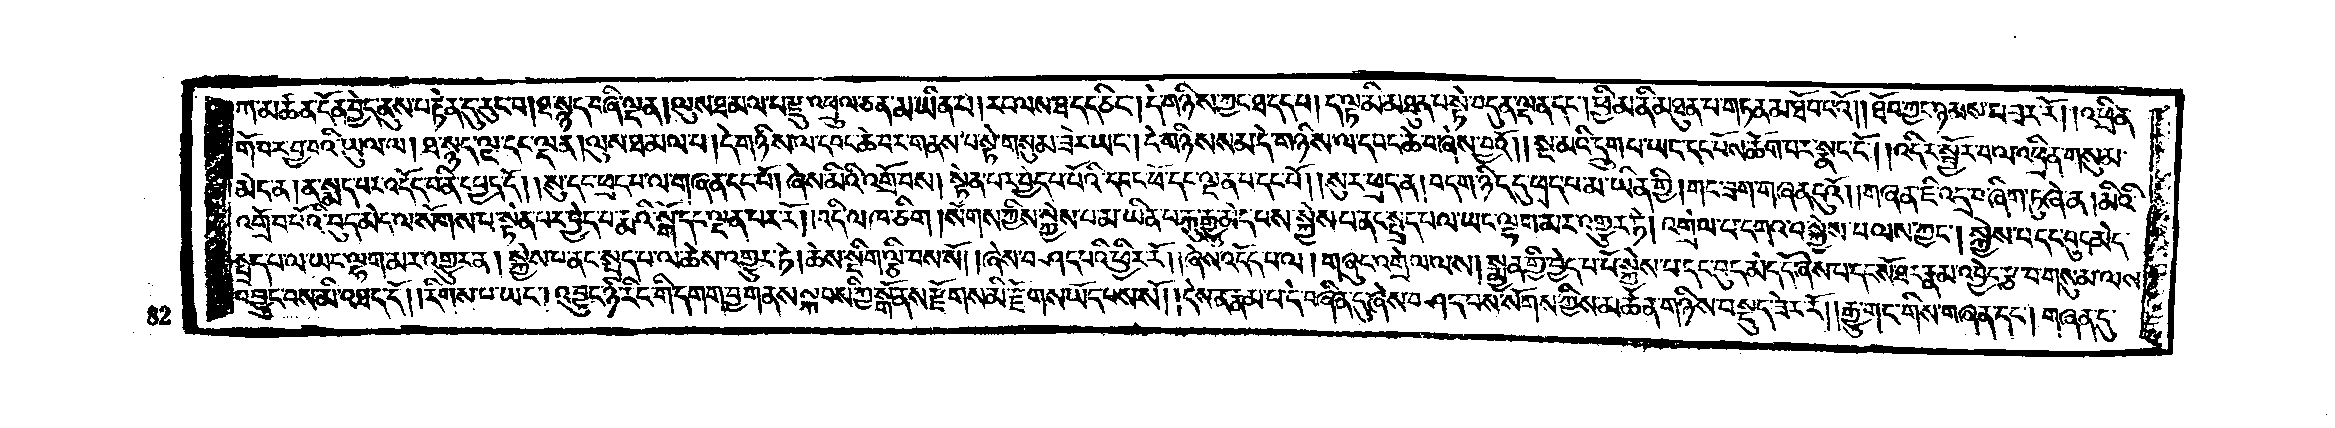ཀ་མཚན་དོན་བྱེད་ནུས་པ་རྟེན་དུ་རུང་བ། ཐ་སྙད་བཞི་ལྡན། ལུས་ཐ་མལ་པ་རྫུ་འཕྲུལ་ཅན་ཀླ་ཡིན་པ། རང་ལས་ཐ་དད་ཅིང་། དེ་གཉིས་ཀྱང་ཐ་དད་པ། ད་ལྟ་མི་མཐུན་པ་སྟེ་བདུན་ལྡན་དང་། ཕྱི་མ་ནི་མཐུན་པ་གཏན་མ་ཐོབ་པའོ། །ཐོབ་ཀྱང་ཉམས་པ་ཟེར་རོ། །འཕྲིན་
གོ་བར་བྱ་བའི་ཡུལ་ལ། ཐ་སྙད་ལྔ་དང་ལྡན། ལུས་ཐ་མལ་པ། དེ་གཉིས་ལ་དབང་ཆེ་བར་གནས་པ་སྟེ་གསུམ་ཟེར་ཡང་། དེ་གཉིས་སམ་དེ་གཉིས་ལ་དབང་ཆེ་བ་ཞེས་བྱའོ། །སྔ་མའི་དྲུག་པ་ཡང་དང་པོས་ཆོག་པར་སྣང་ངོ། །འདིར་སྦྱོར་བ་ལ་འཕྲིན་གསུམ་
མེད་ན། ན་སྨད་པར་འདོད་པ་ནི་དཔྱད་དོ། །སུ་དང་ཕྲད་པ་ལ་གཞན་དང་པོ། ཞེས་མིའི་འགྲོ་བས། སྟེན་པར་བྱེད་པ་པོའི་དབང་ཕོ་དང་ལྡན་པ་དང་པོ། །སུར་ཕྲད་ན། བདག་ཉིད་དུ་ཕྲད་པ་མ་ཡིན་གྱི། གང་ཟག་གཞན་དུའོ། །གཞན་ཇི་འདྲ་བ་ཞིག་ཏུ་ཞེ་ན། མིའི་
འགྲོ་བ་པོའི་བུད་མེད་ལ་སོགས་པ་སྟེན་པར་བྱེད་པ་རྨའི་སྒོ་དང་ལྡན་པར་རོ། །འདི་ལ་ཁ་ཅིག །སོགས་ཀྱིས་སྐྱེས་པ་མ་ཡིན་པ་རྐུ་རྒྱུ་མེད་པས་སྐྱེས་པ་ནང་སྤྲད་པ་ལ་ཡང་ལྷག་མར་འགྱུར་ཏེ། འགྲེལ་པ་དགའ་བ་སྐྱེས་པ་ལས་ཀྱང་། སྐྱེས་པ་དང་བུད་མེད་
སྤྲད་པ་ལ་ཡང་ལྷག་མར་འགྱུར་ན། སྐྱེས་པ་ནང་སྤྲད་པ་ལ་ཆེས་འགྱུར་ཏེ། ཆེས་སྡིག་ལྕི་བས་སོ། །ཞེས་བཤད་པའི་ཕྱིར་རོ། །ཞེས་འདོད་པ་ལ། གཞུང་འགྲེལ་ལས། སྨྱན་གྱི་བྱེད་པ་པོ་སྐྱེས་པ་དང་བུད་མེད་དོ་ཞེས་པ་དང་སོ་ཐར་རྣམ་འབྱེད་རྩ་བ་གསུམ་ལས་
འབྱུང་བས་མི་འཐད་དོ། །རིགས་པ་ཡང་། འབྱུང་ཉེ་རིང་གི་དགག་བྱ་གནས་སྐབས་ཀྱི་སྒོ་ནས་རྫོགས་མི་རྫོགས་ཡོད་པས་སོ། །དེས་ན་རྣམ་པ་དེ་བཞིན་དུ་ཞེས་བཤད་པས་སོགས་ཀྱིས་མཚན་གཉིས་པ་སྡུད་ཟེར་རོ། །རྒྱུ་གང་གིས་གཞན་དང་། གཞན་དུ་